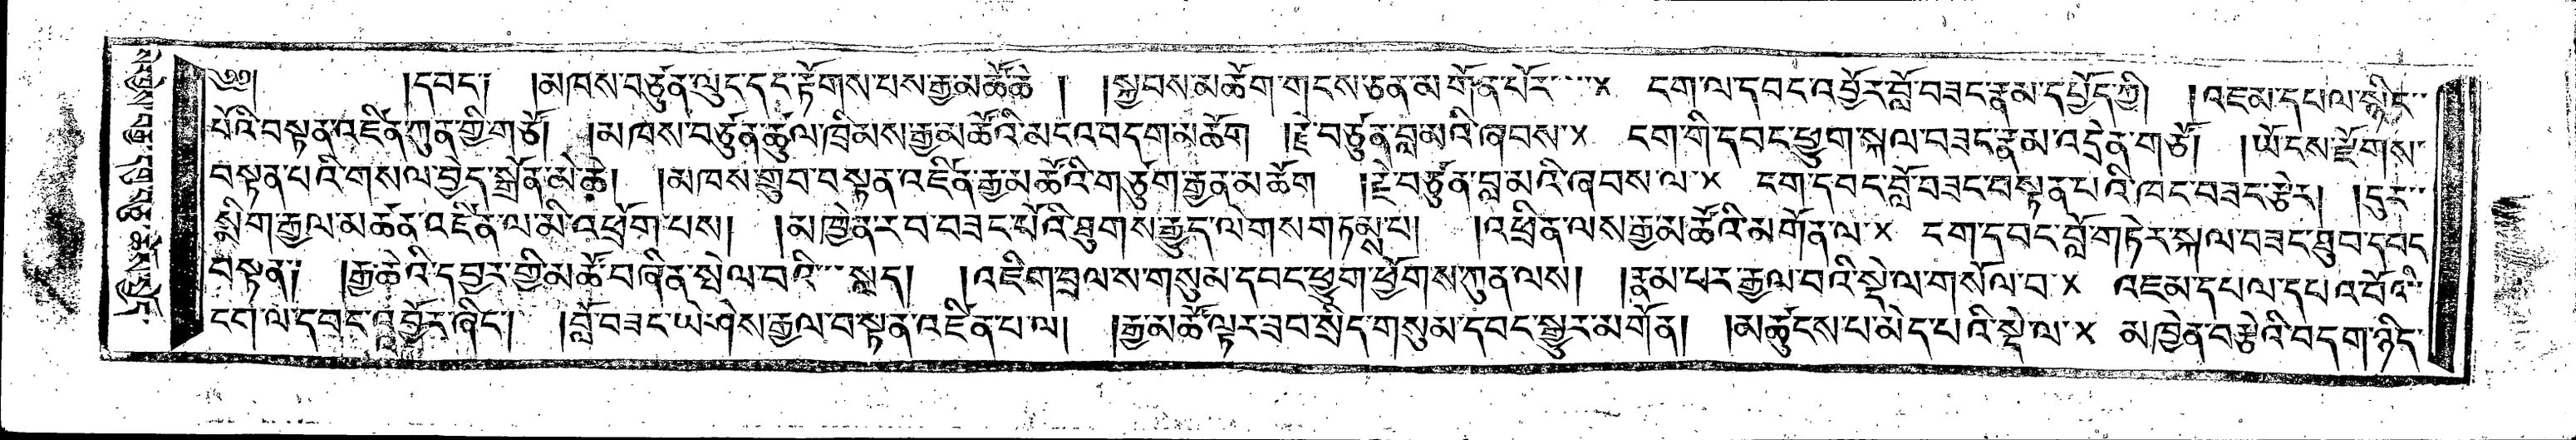༄༅། །དབང༑ །མཁས་བཙུན་ལུང་དང་རྟོགས་པས་རྒྱ་མཚོ་ཆེ། །སྐྱབས་མཆོག་གངས་ཅན་མགོན་པོར་{྾}་ངག་ལ་དབང་འབྱོར་བློ་བཟང་རྣམ་དཔྱོད་ཀྱི། །འཇམ་དཔལ་སྙིང་
པོའི་བསྟན་འཛིན་ཀུན་གྱི་གཙོ། །མཁས་བཙུན་ཚུལ་ཁྲིམས་རྒྱ་མཚོའི་མངའ་བདག་མཆོག །རྗེ་བཙུན་བླ་མའི་ཞབས་{྾}་ངག་གི་དབང་ཕྱུག་སྐལ་བཟང་རྣམ་འདྲེན་གཙོ། །ཡོངས་རྫོགས་
བསྟན་པའི་གསལ་བྱེད་སྒྲོན་མེ་ཆེ། །མཁས་གྲུབ་བསྟན་འཛིན་རྒྱ་མཚོའི་གཙུག་རྒྱན་མཆོག །རྗེ་བཙུན་བླ་མའི་ཞབས་ལ་{྾}་ངག་དབང་བློ་བཟང་བསྟན་པའི་ཁང་བཟང་རྩེར། །ངུར་
སྨིག་རྒྱལ་མཚན་འཛིན་ལ་མི་འཕྲོག་པས། །མཁྱེན་རབ་བཟང་པོའི་ཐུགས་རྒྱུད་ལེགས་གཏམས་པ། །འཕྲིན་ལས་རྒྱ་མཚོའི་མགོན་ལ་{྾}་ངག་དབང་བློ་གཏེར་སྐལ་བཟང་ཐུབ་དབང་
བསྟན༑ །རྒྱ་ཆེའི་དབྱར་གྱི་མཚོ་བཞིན་སྤེལ་བའི་སླད། །འཇིག་བྲལ་ས་གསུམ་དབང་ཕྱུག་ཕྱོགས་ཀུན་ལས། །རྣམ་པར་རྒྱལ་བའི་སྡེ་ལ་གསོལ་བ་{྾}་འཇམ་དཔལ་དཔའ་བོའི་
ངག་ལ་དབང་འབྱོར་ཞིང་། །བློ་བཟང་ཡེ་ཤེས་རྒྱལ་བསྟན་འཛིན་པ་ལ། །རྒྱ་མཚོ་ལྟར་ཟབ་སྲིད་གསུམ་དབང་སྒྱུར་མགོན། །མཚུངས་པ་མེད་པའི་སྡེ་ལ་{྾}་མཁྱེན་བརྩེའི་བདག་ཉིད་